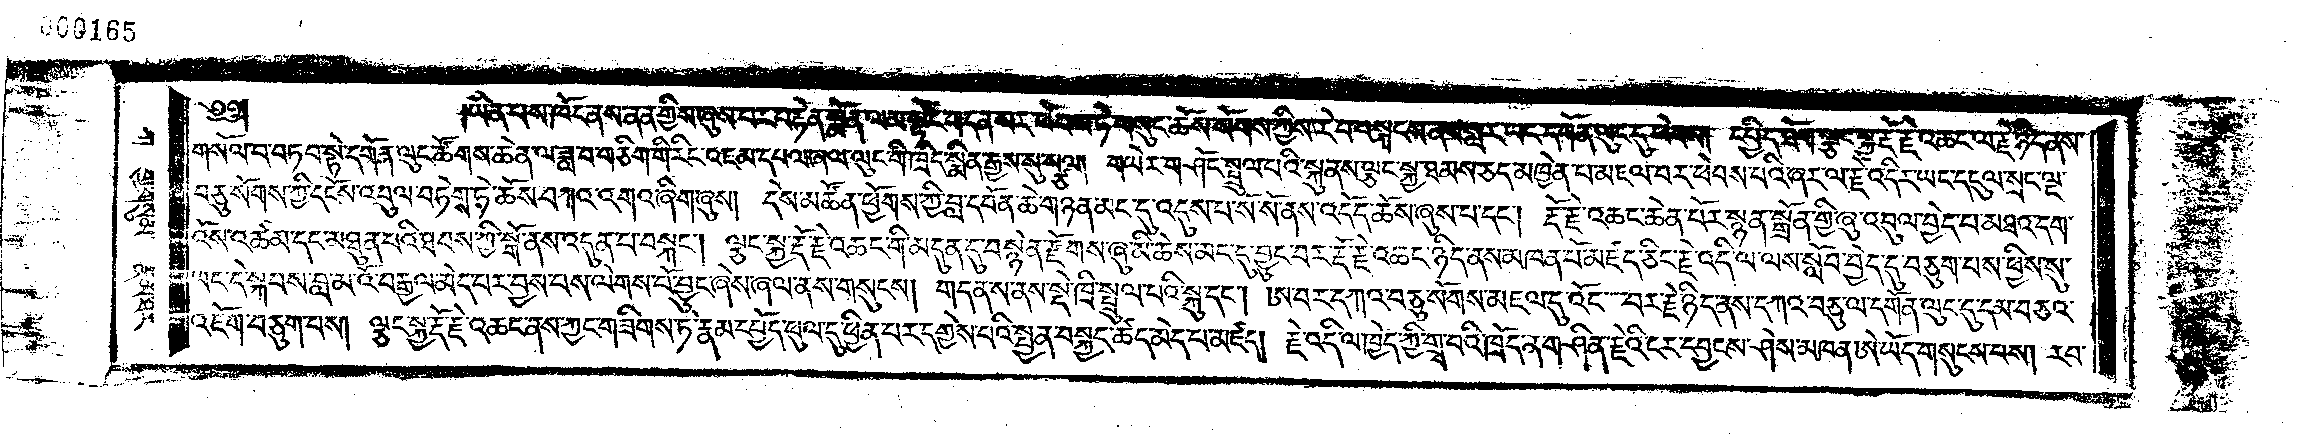༄༅། །ཡིན་པས་ཁོང་ནས་ནན་གྱིས་ཞུས་པར་བརྟེན་སྨོན་ལམ་སྟེང་གདན་སང་ཕེབས་ཏེ་གསུང་ཆོས་སོགས་ཀྱིས་རེ་བ་བསྐངས་ནས་སླར་ཡང་དགོན་ལུང་དུ་ཕེབས། དཔྱིད་ཐོག་ལྕང་སྐྱ་རྡོ་རྗེ་འཆང་ལ་རྗེ་ཉིད་ནས་
གསོལ་བ་བཏབ་སྟེ་དགོན་ལུང་ཚོགས་ཆེན་ལ་ཟླ་བ་གཅིག་གི་རིང་འཇམ་དཔལ་ཞལ་ལུང་གི་ཁྲིད་སྨིན་རྒྱས་སུ་སྩལ། གཡེར་གཤོང་སྤྲུལ་པའི་སྐུ་ནས་ལྕང་སྐྱ་ཐམས་ཅད་མཁྱེན་པ་མཇལ་བར་ཕེབས་པའི་ཞར་ལ་རྗེ་འདིར་ཡང་དངུལ་སྲང་ལྔ་
བཅུ་སོགས་ཀྱི་དངོས་འབུལ་བཏེགས་ཏེ་ཆོས་བཀའ་འགའ་ཞིག་ཞུས། དེས་མཚོན་ཕྱོགས་ཀྱི་བླ་དཔོན་ཆེ་གཉན་མང་དུ་འདུས་པ་སོ་སོ་ནས་འདོད་ཆོས་ཞུས་པ་དང་། རྡོ་རྗེ་འཆང་ཆེན་པོར་སྙན་སྒྲོན་གྱི་ཞུ་འབུལ་བྱེད་པ་མཐའ་དག་
འོས་འཚམ་དང་མཐུན་པའི་ཐབས་ཀྱི་སྒོ་ནས་འདུན་པ་བསྐང་། ལྕང་སྐྱ་རྡོ་རྗེ་འཆང་གི་མདུན་དུ་བསྙེན་རྫོགས་ཞུ་མི་ཆེས་མང་དུ་བྱུང་བར་རྡོ་རྗེ་འཆང་ཉིད་ནས་མཁན་པོ་མཛད་ཅིང་རྗེ་འདི་ལ་ལས་སློབ་བྱེད་དུ་བཅུག་པས་ཕྱིས་སུ་
ཡང་དེ་སྐབས་བླ་མ་འོ་བརྒྱལ་མེད་པར་བྱས་པས་ལེགས་བོ་བྱུང་ཞེས་ཞལ་ནས་གསུངས། གདན་ས་ནས་སྡེ་ཁྲི་སྤྲུལ་པའི་སྐུ་དང་། ཨ་བར་དཀའ་བཅུ་སོགས་མཇལ་དུ་འོང་བར་རྗེ་ཉིད་ནས་དཀའ་བཅུ་ལ་དགོན་ལུང་དུ་དམ་བཅའ་
འཇོག་བཅུ་པས། ལྕང་སྐྱ་རྡོ་རྗེ་འཆང་ནས་ཀྱང་གཟིགས་ཏེ་རྣམ་དཔྱོད་ཕུལ་དུ་ཕྱིན་པར་དགྱེས་པའི་སྤྱན་བསྐྱང་ཚད་མེད་པ་མཛད། རྗེ་འདི་ལ་ཁྱེད་ཀྱི་གྲྭ་བའི་ཁྲོད་ན་གཤིན་རྗེའི་ངར་དབྱངས་ཤེས་མཁན་ཨེ་ཡོད་གསུངས་པས། རབ་